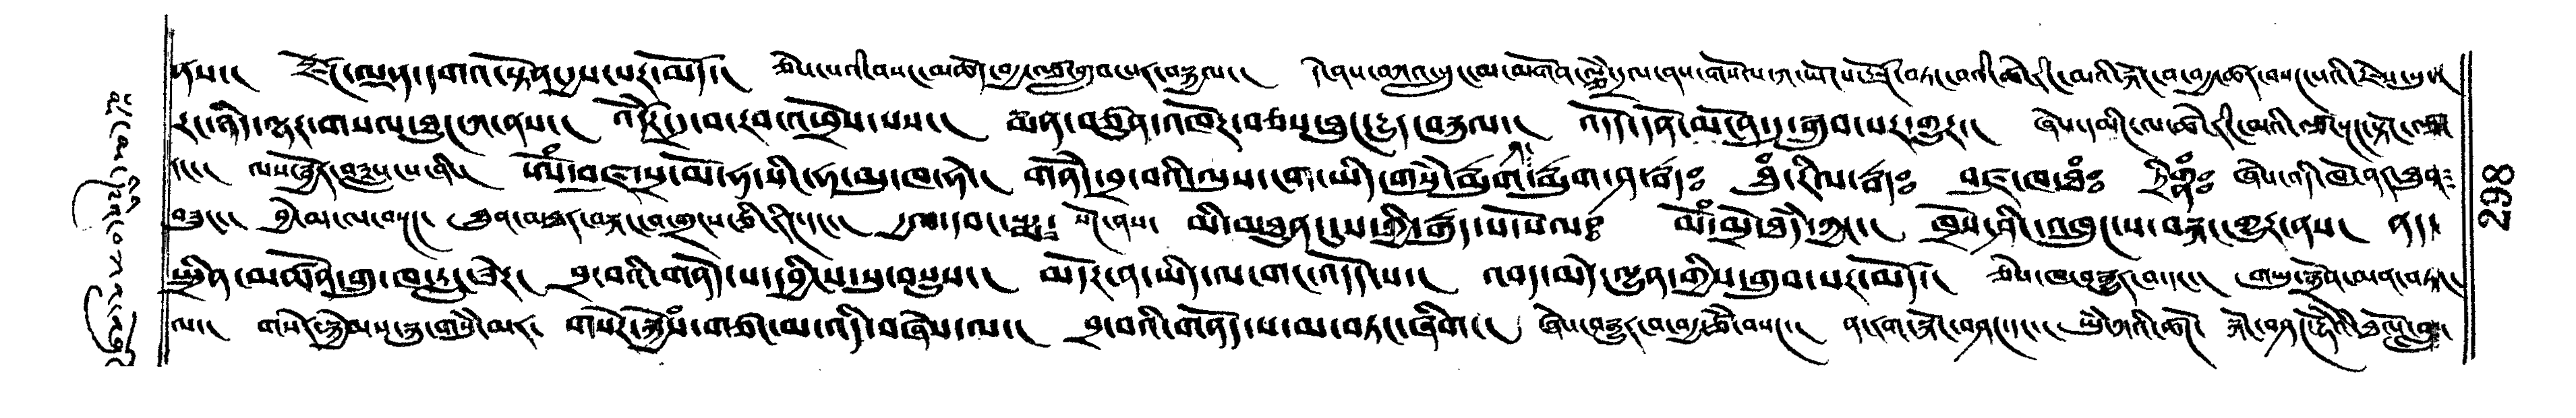ནས། །རྫོགས་ལྡན་དགའ་སྟོན་རྒྱས་པར་མཛོད། ཅེས་པས་བསང་མཆོད་བརྒྱ་རྩ་མ་གྲུབ་པར་བསྐྱར། དེ་ནས་བཀའ་སྲུང་མ་མགོན་ལྕམ་དྲལ་ནས་གསོལ་ཀ་ཡོངས་རྫོགས་བཏང་བའི་ཚེ་རིང་མའི་སྐོང་བ་བརྒྱ་ཚར་བསགས་པའི་རྗེས་སུ། 
རང་ཉིད་ལྷར་གསལ་ཐུགས་ཀ་ནས། །འོད་ཟེར་དྲྭ་བ་རབ་འཕྲོས་པས། །སྨན་བཙུན་འཁོར་བཅས་ཐུགས་རྒྱུད་བསྐུལ། །འདོད་དོན་མངོན་དུ་སྒྲུབ་པར་གྱུར། ཞེས་དམིགས་ལ་ཚེ་རིང་མའི་རྩ་སྔགས་སྟོང་རྩ་
དང་། ལས་སྦྱོར་བཟླས་པ་ནི། ཨོཾ་བཛྲ་པྲ་མོ་ཧ་སིང་ཧ་མུ་ཁ་ཧེ༔ གནོད་བྱེད་བྲ་བའི་ལུས་ངག་ཡིད་གསུམ་རྨུག་ཤ་རྨུག་ཤ་རྦད༔ ཐུཾ་རིལ་རྦད༔ བཛྲ་ཁ་ཐཾ༔ ཏྲིགྣཾ༔ཞེས་འདི་ཁོ་ནར་ཐུན་
གཟུང་། བྱེ་མ་ལ་སྔགས། ཐུན་མཐར་བསྐང་བ་གྲངས་ཅི་རིགས་དང་། རྒྱལ་དབང་པདྨ༴ སོགས་ནས། མི་མཐུན་དུས་ཀྱི་རྒུད་པ་སོལ༔ མ་མོ་མཁའ་འགྲོ་ཐམས་ཅད་ཀྱང་། ཁྲོས་ཤིང་འཁྲུགས་པ་བསྐང་གྱུར་ནས། །ནད་
སྤྲིན་མཚོན་གྲུ་ཁ་རླངས་ཟེར། །བྲ་བའི་གནོད་པ་དབྱིངས་སུ་བསྡུས། །མདོར་ན་ཡིད་ལ་གང་འདོད་པ། །འབད་མེད་ལྷུན་གྱིས་གྲུབ་པར་མཛོད། ཅེས་ཁ་བསྒྱུར་བ་དང་། གཡུ་སྒྲོན་མན་བཏང་
ལ། གསེར་སྐྱེམས་སྐུ་གསུམ༴ མར། གསེར་སྐྱེམས་གཙང་མ་འདི་བཞེས་ལ། བྲ་བའི་གནོད་པ་མ་གཏོང་ཞིག ཅེས་བསྒྱུར་བ་བརྒྱ་ཙམ་བསག ན་རཀ་སྐོང་བཤགས་དང་། ཡུམ་ཀའི་ཚོགས། སྐོང་བཤགས་རྡོ་རྗེའི་ཐོལ་གླུ།